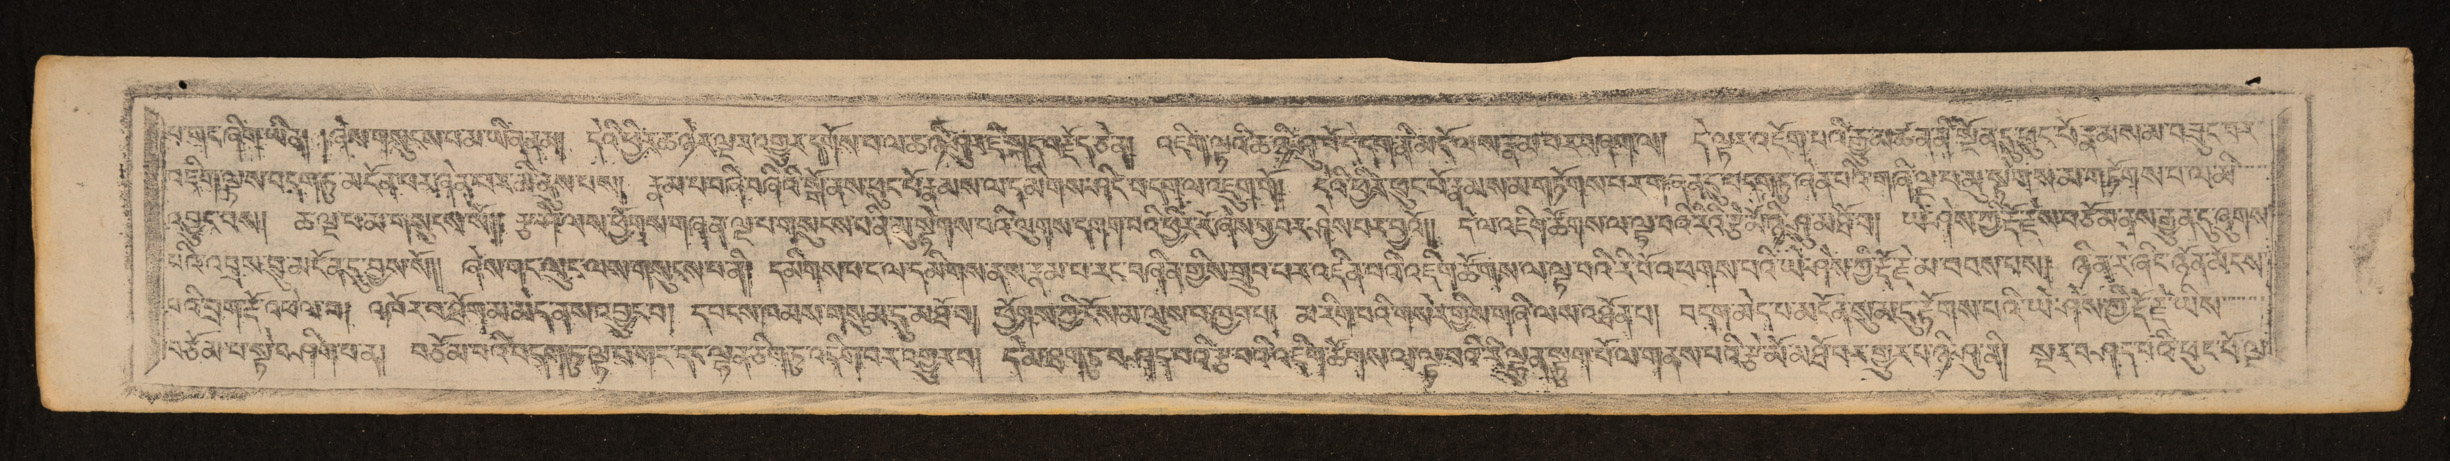པ་གང་ཞིག་ཡིན། །ཞེས་གསུངས་པ་མ་ཡིན་ནམ། དེའི་ཕྱིར་ཆ་ཉེར་ལྔར་འགྱུར་དགོས་པ་ལ་ཆ་ཉི་ཤུར་ཇི་སྐད་བརྗོད་ཅེ་ན། འཇིག་ལྟའི་ཆ་ཉི་ཤུ་པོ་དེ་དག་ནི་མདོ་ལས་རྣམ་པར་བཞག་ལ། དེ་ལྟར་འཇོག་པའི་རྒྱུ་མཚན་ནི་སྔོན་དུ་ཕུང་པོ་རྣམས་མ་བཟུང་བར་
འཇིག་ལྟས་བདག་ཏུ་མངོན་པར་ཞེན་པར་མི་ནུས་པས། རྣམ་པ་བཞི་བཞིའི་སྒོ་ནས་ཕུང་པོ་རྣམས་ལ་དམིགས་ཤིང་བདག་ལ་འཇུག་གོ། དེའི་ཕྱིར་ཕུང་པོ་རྣམས་མ་གཏོགས་པར་གཞན་དུ་བདག་ཏུ་ཞེན་པའི་གཞི་ལྔ་པ་མུ་སྟེགས་མ་གཏོགས་པ་ལ་མི་
འབྱུང་བས། ཆ་ལྔ་པ་མ་གསུངས་སོ།། རྩ་ཤེ་ལས་ཕྱོགས་གཞན་ལྔ་པ་གསུངས་པ་ནི་མུ་སྟེགས་པའི་ལུགས་དགག་པའི་ཕྱིར་རོ་ཞེས་བྱ་བར་ཤེས་པར་བྱའོ།། དེ་ལ་འཇིག་ཚོགས་ལ་ལྟ་བའི་རིའི་རྩེ་མོ་ཉི་ཤུ་མཐོ་བ། ཡེ་ཤེས་ཀྱི་རྡོ་རྗེས་བཅོམ་ནས་རྒྱུན་དུ་ཞུགས་
པའི་འབྲས་བུ་མངོན་དུ་བྱས་སོ།། ཞེས་གང་ལུང་ལས་གསུངས་པ་ནི། དམིགས་པ་ང་ལ་དམིགས་ནས་རྣམ་པ་རང་བཞིན་གྱིས་གྲུབ་པར་འཛིན་པའི་འཇིག་ཚོགས་ལ་ལྟ་བའི་རི་བོ་འཕགས་པའི་ཡེ་ཤེས་ཀྱི་རྡོ་རྗེ་མ་བབས་པས། ཉིན་རེ་ཞིང་ཉོན་མོངས་
པའི་བྲག་རྡོ་འཕེལ་བ། འཁོར་བ་ཐོག་མ་མེད་ནས་འབྱུང་བ། དཔངས་ཁམས་གསུམ་དུ་མཐོ་བ། ཕྱོགས་ཀྱི་ངོས་མ་ལུས་པ་ཁྱབ་པ། མ་རིག་པའི་གསེར་གྱི་ས་གཞི་ལས་འཐོན་པ། བདག་མེད་པ་མངོན་སུམ་དུ་རྟོགས་པའི་ཡེ་ཤེས་ཀྱི་རྡོ་རྗེ་ཡིས་
བཅོམ་པ་སྟེ་བཤིག་པ་ན། བཅོམ་པའི་བདག་ཏུ་ལྟ་བ་གང་དང་ལྷན་ཅིག་ཏུ་འཇིག་པར་འགྱུར་བ། དེ་མ་ཐག་ཏུ་བཤད་པའི་རྩ་བའི་འཇིག་ཚོགས་ལ་ལྟ་བའི་རི་ལྷུན་སྟུག་པོ་ལ་གནས་པའི་རྩེ་མོ་མཐོ་བར་གྱུར་པ་ཉི་ཤུ་ནི། སྔར་བཤད་པའི་ཕུང་པོ་ལྔ་